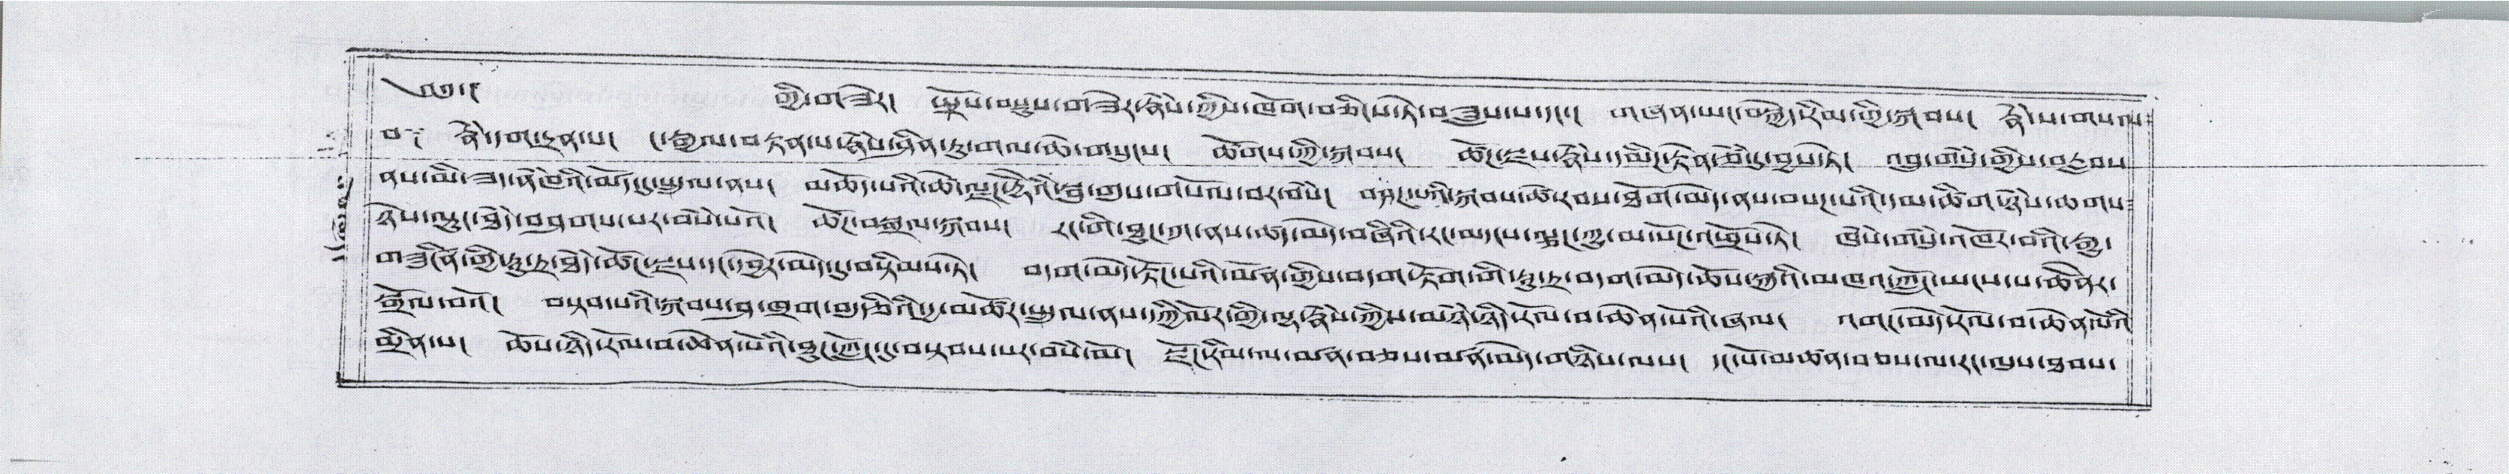གྱི་གཟེར། སྤྲོས་བསྡུའི་གཟེར་རྣམས་ཀྱིས་ཁོག་བཅིངས་ཏེ་བཟླས་པ་དང་། གཞན་ཡང་བསྐྱེད་རིམ་གྱི་སྐབས་རྣམ་པ་གསལ་
བ། རྣམ་དག་དྲན་པ། ང་རྒྱལ་བརྟན་པ་རྣམས་ཤིན་ཏུ་གལ་ཆེ་གསུངས། ཚོགས་ཀྱི་སྐབས། ཚོགས་རྫས་རྣམས་དམིགས་རྟེན་དུ་བྱས་ཏེ། འབྲུ་གསུམ་གྱིས་བརླབས་
ནས་མི་བཟད་ནམ་མཁའི་མཛོད་དུ་སྤྲུལ་ནས། མཆོད་པའི་ཚེ་ལྗགས་རྡོ་རྗེའི་སྦུ་གུས་གསོལ་བར་བསམ། བཤགས་པའི་སྐབས་ཚེ་རབས་ཐོག་མེད་ནས་བསགས་པའི་དམ་ཚིག་ཉམས་ཆག་
ཉེས་ལྟུང་ཐམས་ཅད་བཤགས་པར་བསམ་པའོ། ཚོགས་བསྒྲལ་སྐབས། རང་གི་ཐུགས་ཀ་ནས་ཚད་མེད་བཞིའི་རང་མདངས་ལྕགས་ཀྱུ་མ་སོགས་འཕྲོས་ཏེ། ཁམས་གསུམ་འཁོར་བའི་རྒྱུ་
གཟུང་འཛིན་རུ་ཏྲ་ཐམས་ཅད་ཚོགས་རྫས་དང་ལྷན་དུ་བསྟིམ་ཏེ། བདག་མེད་རྟོགས་པའི་མཚོན་གྱིས་བདག་རྟོག་གི་རུ་ཏྲ་བདག་མེད་ཆོས་སྐུའི་མཁའ་ཀློང་ཡངས་པ་ཆེན་པོར་
སྒྲོལ་བའོ། བསྟབ་པའི་སྐབས་ཤ་ཁྲག་བདུད་རྩི་རྒྱ་མཚོར་སྤྲུལ་ནས་དཀྱིལ་འཁོར་གྱི་ལྷ་ཚོགས་རྣམས་ཀྱི་མཉམ་ཉིད་རོལ་པ་ཆེན་པོའི་ཞལ། འགག་མེད་རོལ་པ་ཆེན་པོའི་
མགྲིན་པ། ཆོས་ཉིད་རོལ་པ་ཆེན་པོའི་ཐུགས་ཀློང་དུ་བསྟབ་པར་བསམ་མོ། རྫོགས་རིམ་ལ་མཚན་བཅས་མཚན་མེད་གཉིས་ལས། དང་པོ་མཚན་བཅས་ལ་རང་ལུས་ཐབས་